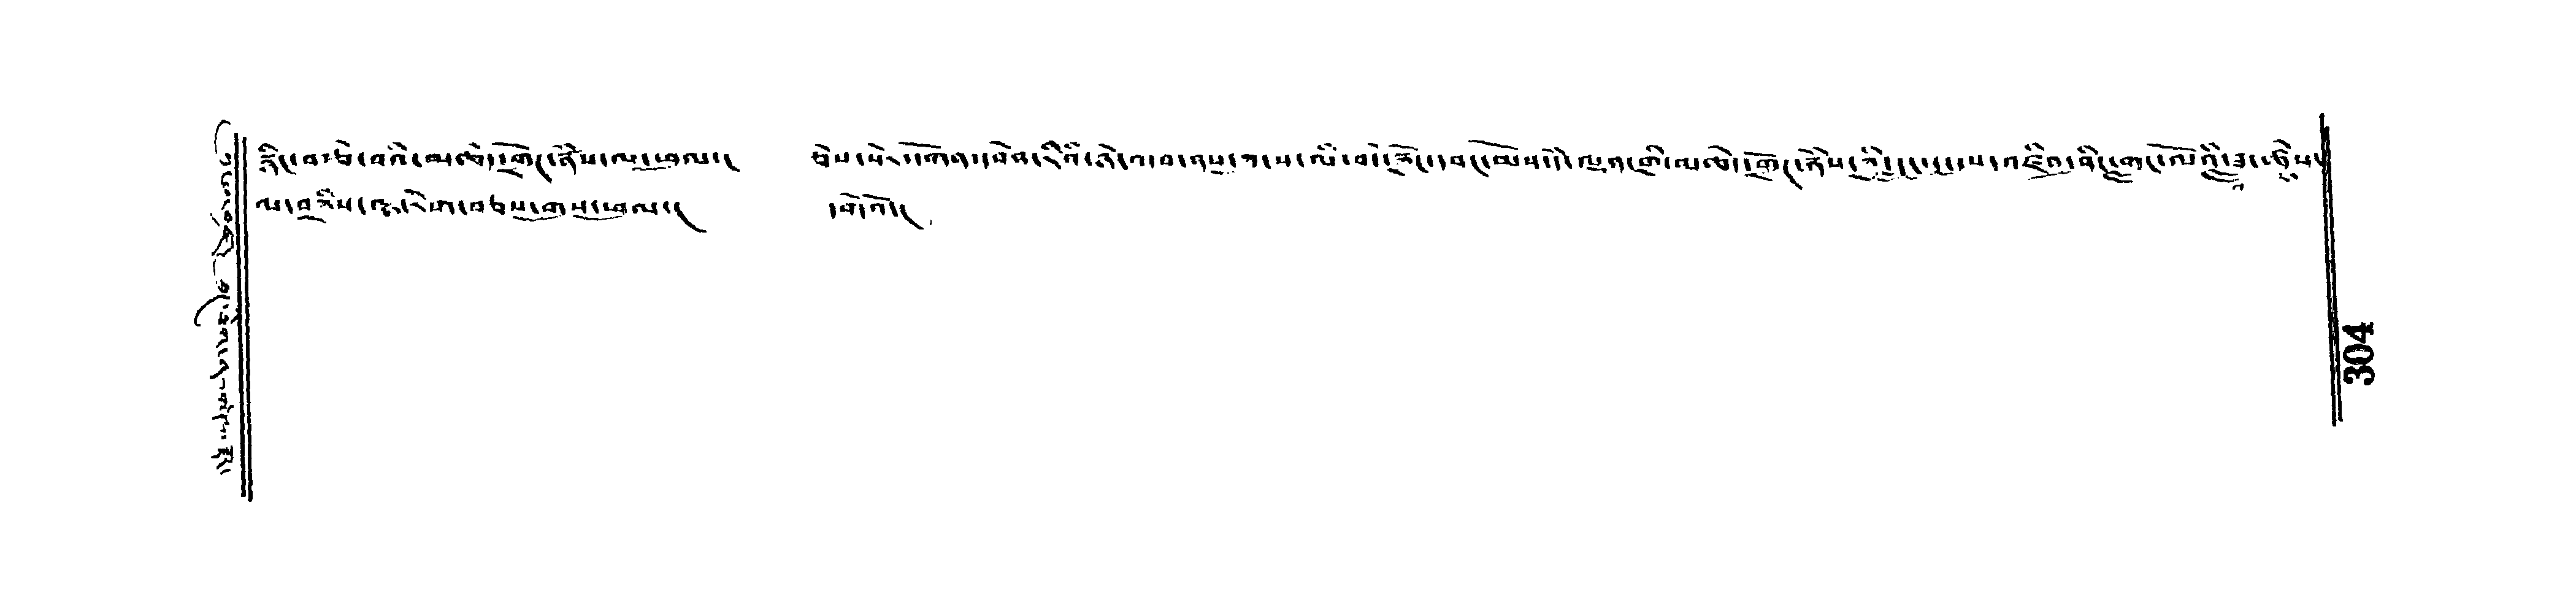།སྙིང་བརྩེ་བའི་མཆེད་གྲོགས་རྣམས་ལ་ཕུལ། ཅེས་སེར་དགོན་དབེན་རིའི་ཉེ་འདབས་ནས་ཀུ་ས་ལི་བདེ་སྐྱོང་དབང་མོས་དམ་ལྡན་གྱི་མཆེད་གྲོགས་རྣམས་ཀྱི་དྲུང་དུ་དུས་འཛིན་ཤིང་གླང་ལོའི་ཟླ་དང་པོའིཆེས་ཉེར་བརྒྱད་
ལ་བཀྲ་ཤིས་ལྷ་རེག་བཅས་གུས་ཕུལ། དགེའོ།།